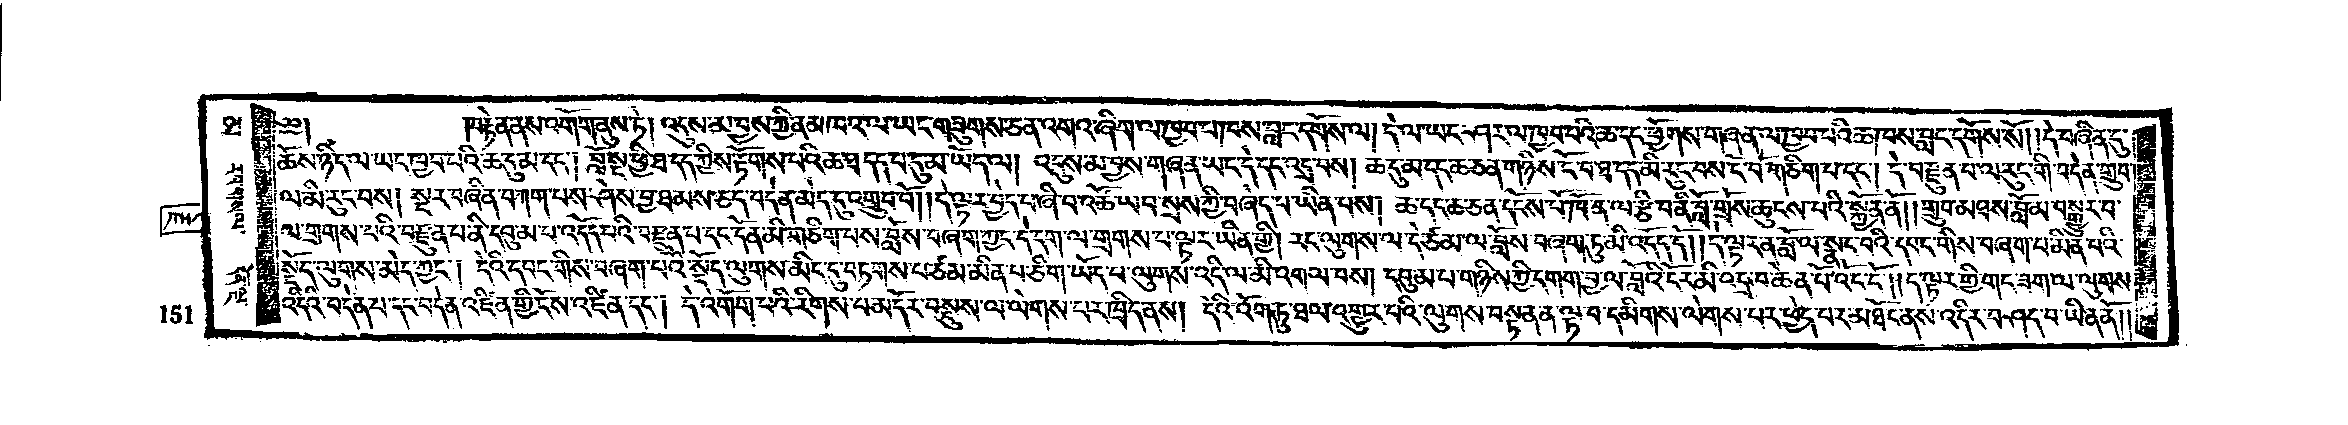༄༅། །བརྟེན་ནས་འགོག་ནུས་ཏེ། འདུས་མ་བྱས་ཀྱི་ནམ་མཁའ་ལ་ཡང་གཟུགས་ཅན་འགའ་ཞིག་ལ་ཁྱབ་པ་ཁས་བླང་དགོས་ལ། དེ་ལ་ཡང་ཤར་ལ་ཁྱབ་པའི་ཆ་དང་ཕྱོགས་གཞན་ལ་ཁྱབ་པའི་ཆ་ཁས་བླང་དགོས་སོ། །དེ་བཞིན་དུ་
ཆོས་ཉིད་ལ་ཡང་ཁྱབ་པའི་ཆ་དུ་མ་དང་། བློ་སྔ་ཕྱི་ཐ་དད་ཀྱིས་རྟོགས་པའི་ཆ་ཐ་དད་པ་དུ་མ་ཡོད་ལ། འདུས་མ་བྱས་གཞན་ཡང་དེ་དང་འདྲ་བས། ཆ་དུ་མ་དང་ཆ་ཅན་གཉིས་ངོ་བོ་ཐ་དད་མི་རུང་བས་ངོ་བོ་གཅིག་པ་དང་། དེ་བརྫུན་པ་ལ་རུང་གི་བདེན་གྲུབ་
ལ་མི་རུང་བས། སྔར་བཞིན་བཀག་པས་ཤེས་བྱ་ཐམས་ཅད་བདེན་མེད་དུ་འགྲུབ་བོ། །དེ་ལྟར་བྱེད་པ་ཞི་བ་འཚོ་ཡབ་སྲས་ཀྱི་བཞེད་པ་ཡིན་པས། ཆ་དང་ཆ་ཅན་དངོས་པོ་ཁོ་ན་ལ་རྩི་བ་ནི་བློ་གྲོས་ཆུངས་པའི་སྐྱོན་ནོ། །གྲུབ་མཐས་བློ་མ་བསྒྱུར་བ་
ལ་གྲགས་པའི་བརྫུན་པ་ནི་དབུ་མ་པ་འདོད་པའི་བརྫུན་པ་དང་དོན་མི་གཅིག་པས་བློས་བཞག་ཀྱང་དེ་དག་ལ་གྲགས་པ་ལྟར་ཡིན་གྱི། རང་ལུགས་ལ་དེ་ཙམ་ལ་བློས་བཞག་ཏུ་མི་འདོད་དོ། །དེ་ལྟར་ན་བློ་ལ་སྣང་བའི་དབང་གིས་བཞག་པ་མིན་པའི་
སྡོད་ལུགས་མེད་ཀྱང་། དེའི་དབང་གིས་བཞག་པའི་སྡོད་ལུགས་མིང་དུ་བཏགས་པ་ཙམ་མིན་པ་ཅིག་ཡོད་པ་ལུགས་འདི་ལ་མི་འགལ་བས། དབུ་མ་པ་གཉིས་ཀྱི་དགག་བྱ་ལ་བློའི་ངོར་མི་འདྲ་བ་ཆེན་པོ་འོང་ངོ། །དེ་ལྟར་གྱི་གང་ཟག་ལ་ལུགས་
འདིའི་བདེན་པ་དང་བདེན་འཛིན་གྱི་ངོས་འཛིན་དང་། དེ་འགོག་པའི་རིགས་པ་མདོར་བསྡུས་ལ་ལེགས་པར་ཁྲིད་ནས། དེའི་འོག་ཏུ་ཐལ་འགྱུར་བའི་ལུགས་བསྟན་ན་ལྟ་བ་དམིགས་ལེགས་པར་ཕྱེད་པར་མཐོང་ནས་འདིར་བཤད་པ་ཡིན་ནོ། །